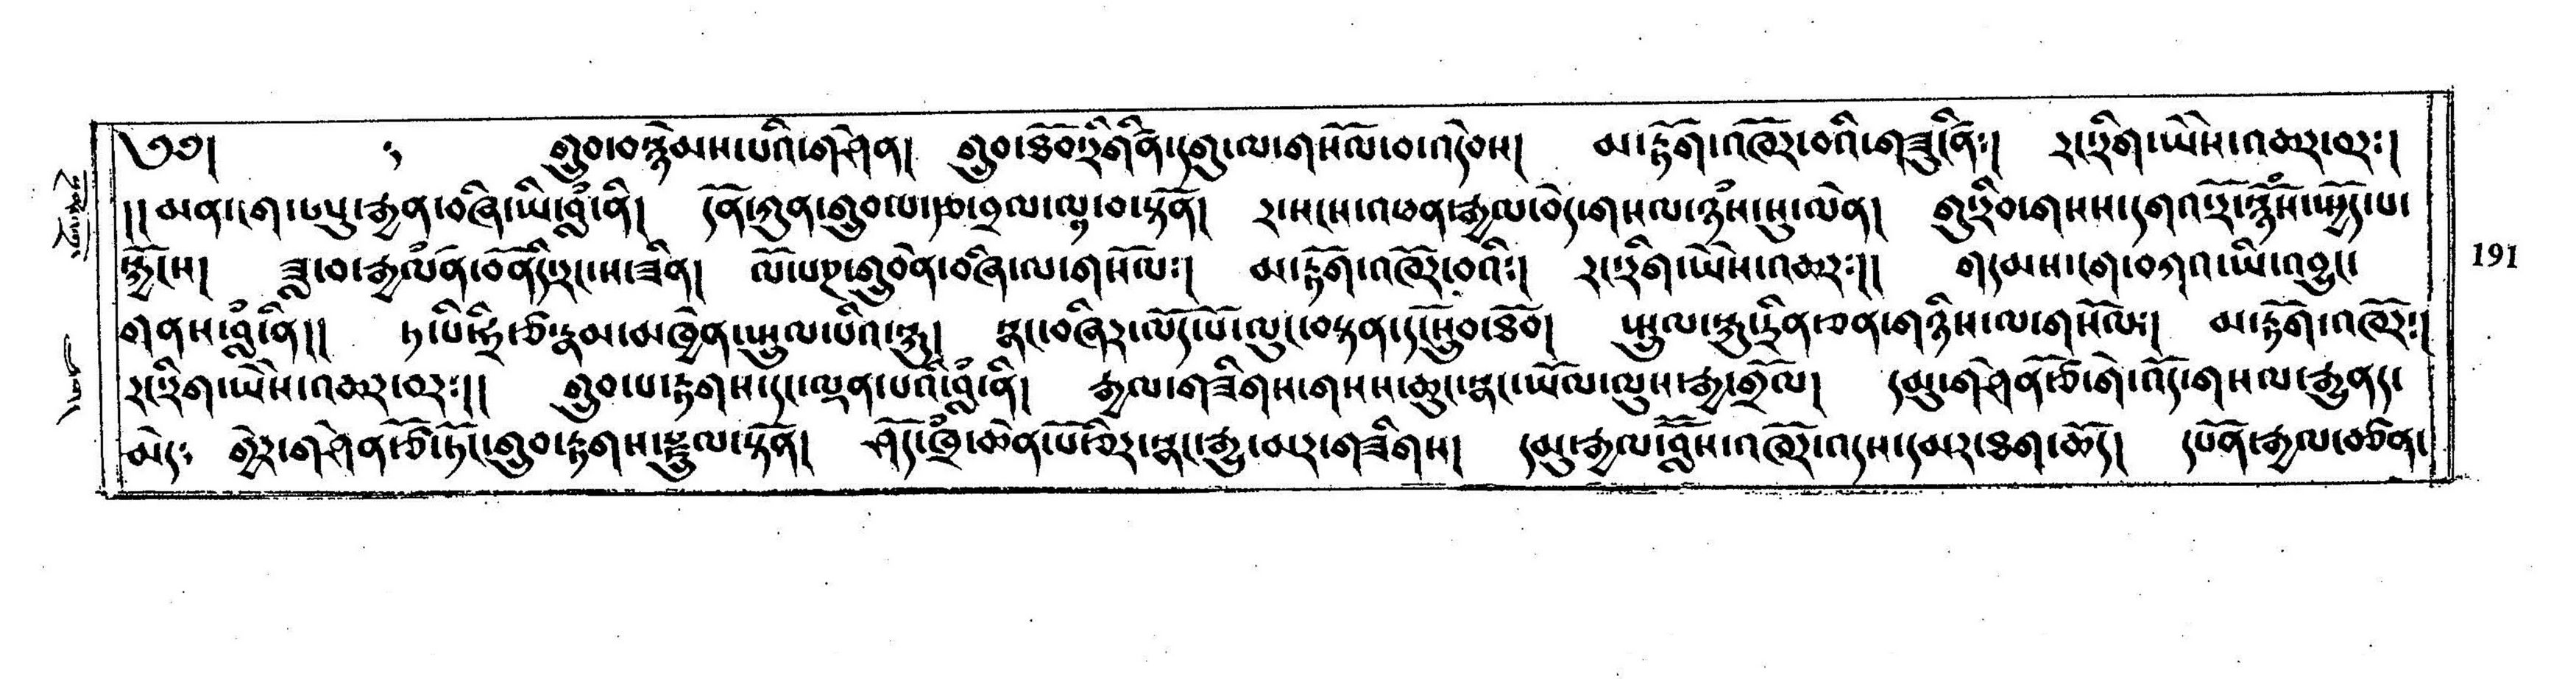གྲུབ་བསྙེམས་པའི་གཤེན། གྲུབ་ཐོབ་རིག་འཛིན་དགུ་ལ་གསོལ་བ་འདེབས། མ་རྟོགས་འཁོར་བའི་གཟུང་འཛིན༴། རང་རིག་ཡེ་ཤེས་འཆར་བར༴། 
།།མན་ངག་ཨུ་རྒྱན་བཞི་ཡི་བླ་མ་ནི། དོན་ཀུན་གྲུབ་པ་རྩ་བྲལ་ལྟ་བ་སྟོན། ར་སངས་འཕན་རྒྱལ་བདེ་གསལ་ཉམས་སུ་ལེན། གུ་རིབ་གསས་དགའ་རོ་སྙོམས་སྤྱོད་པ་
སྐྱོངས། ཟླ་བ་རྒྱལ་མཚན་བོན་ཉིད་རང་ས་ཟིན། ལོ་པཎ་གྲུབ་ཆེན་བཞི་ལ་གསོལ༴། མ་རྟོགས་འཁོར་བའི༴། རང་རིག་ཡེ་ཤེས་འཆར༴།། གདམས་ངག་བཀའ་ཡི་འབྱུང་
གནས་བླ་མ་ནི།། ཏ་པི་ཧྲི་ཙ་རྣམ་མཁྱེན་སྤྲུལ་པའི་སྐུ། སྣང་བཞེར་ལོད་པོ་ལུང་བསྟན་དངོས་གྲུབ་ཐོབ། སྤྲུལ་སྐུ་དྲིན་ཅན་གཉིས་ལ་གསོལ༴། མ་རྟོག་འཁོར༴། 
རང་རིག་ཡེ་ཤེས་འཆར་བར༴།། གྲུབ་པ་རྟགས་དང་ལྡན་པའི་བླ་མ་ནི། རྒྱལ་གཟིགས་གསས་ཆུང་སྣང་ཡོལ་ལུས་རྒྱ་གྲོལ། དམུ་གཤེན་ཙོ་གེ་འོད་གསལ་རྒྱུན་ཆད་
མེད། གྱེར་གཤེན་ཙོ་ཏོང་གྲུབ་རྟགས་རྫུ་འཕྲུལ་སྟོན། ཤོད་ཁྲཾ་ཆེན་པོ་ཅིར་སྣང་རྒྱུ་མར་གཟིགས། དམུ་རྒྱལ་བློ་གྲོས་འཁོར་འདས་དམར་ཐག་ཆོད། དཔོན་རྒྱལ་བཙན་